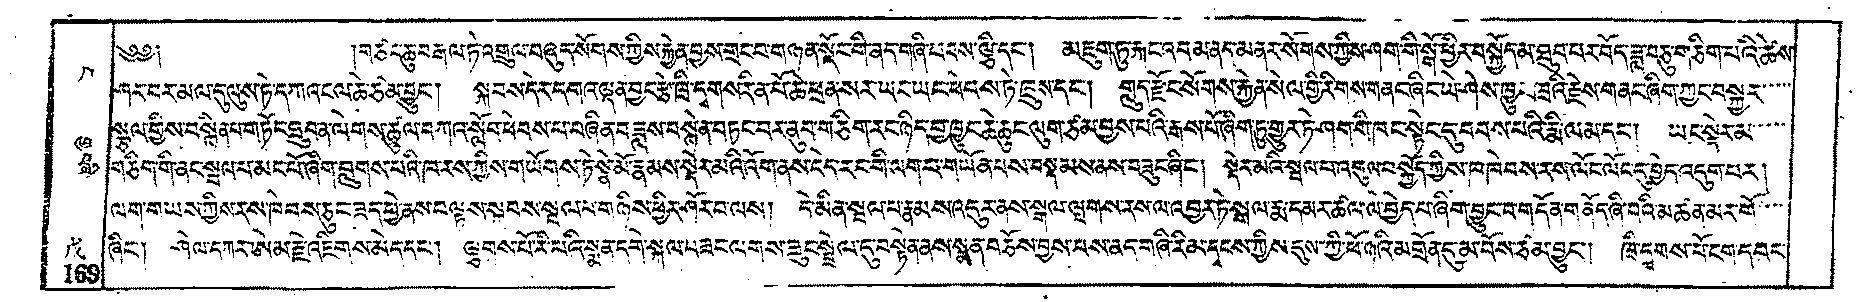༄༅། །གཙང་ཆུ་བརྒལ་ཏེ་འགྲུལ་བཞུད་སོགས་ཀྱིས་རྐྱེན་བྱས་གྲང་བ་གཉན་སྡོང་གི་ནད་གཞི་བབས་ལྕི་དང་། མཇུག་ཏུ་རྐང་འབམ་ནད་མནར་སོགས་ཀྱིས་ཤག་གི་སྒོ་ཕྱིར་བསྐྱོད་མ་ཐུབ་པར་བོད་ཟླ་བཅུ་གཅིག་པའི་ཚེས་
ཤར་བར་མལ་དུ་ལུས་ཏེ་དཀའ་ངལ་ཆེ་ཙམ་བྱུང་། སྐབས་དེར་དགའ་ལྡན་བྱང་རྩེ་ཁྲི་དྭགས་རིན་པོ་ཆེ་ཕྲན་སར་ཡང་ཡང་ཕེབས་ཏེ་ཁྲུས་དང་། གླུད་རྫོང་སོགས་རྐྱེན་སེལ་གྱི་རིགས་གནང་ཞིང་ཡེ་ཤེས་ཁྱུང་ཁྲའི་རྗེས་གནང་ཞིག་ཀྱང་བསྐྱར་
སྩལ་གྱིས་བསྙེན་པ་གཏོང་ཐུབ་ན་ལེགས་ཚུལ་བཀའ་སློབ་ཕེབས་པ་བཞིན་བཟླས་བསྙེན་བཏང་བར་ནུབ་གཅིག་རང་ཉིད་བྱ་ཁྱུང་ཆེ་ཆུང་ལུག་ཙམ་བྱས་པའི་རྒས་པོ་ཞིག་ཏུ་གྱུར་ཏེ་ཤག་གི་ཁང་སྟེང་དུ་བབས་པའི་རྨི་ལམ་དང་། ཡང་སྡེར་མ་
གཅིག་གི་ནང་སྦལ་བ་མང་པོ་ཞིག་བླུགས་པའི་ཁ་རས་ཀྱིས་གཡོགས་ཏེ་སྣེ་མོ་རྣམས་སྡེར་མའི་འོག་ནས་ངེད་རང་གི་ལག་པ་གཡོན་པས་བསྡམས་ནས་བཟུང་ཞིང་། སྡེར་མའི་སྦལ་བ་འགུལ་བསྐྱོད་ཀྱིས་ཁ་ཁེབས་རས་ལོང་ལོང་དུ་བྱེད་འདུག་པར།
ལག་གཡས་ཀྱིས་རས་ཁེབས་ཅུང་ཟད་ཕྱེ་ནས་བལྟས་སྐབས་སྦལ་པ་གཉིས་ཕྱིར་ཤོར་བ་ལས། དེ་མིན་སྦལ་བ་རྣམས་འདུར་ནས་སྒལ་ལྤགས་རས་ལ་འབྱར་ཏེ་སྒལ་རྨ་དམར་ཚལ་ལེ་བྱེད་པ་ཞིག་བྱུང་བ་གདོན་གནོད་ཞི་བའི་མཚན་མར་གོ་
ཞིང་། ཤེལ་དཀར་ཨེམ་རྗེ་འཇིགས་མེད་དང་། ལྕགས་པོ་རི་པའི་སྨན་དགེ་སྐལ་བཟང་ལགས་ཟུང་སྦྲེལ་དུ་བསྟེན་ནས་སྨན་བཅོས་བྱས་པས་ནད་གཞི་རིམ་དྭངས་ཀྱིས་དུས་ཀྱི་ཕོ་ཉའི་མགྲོན་དུ་མ་བོས་ཙམ་བྱུང་། ཁྲི་དྭགས་པོ་ངག་དབང་